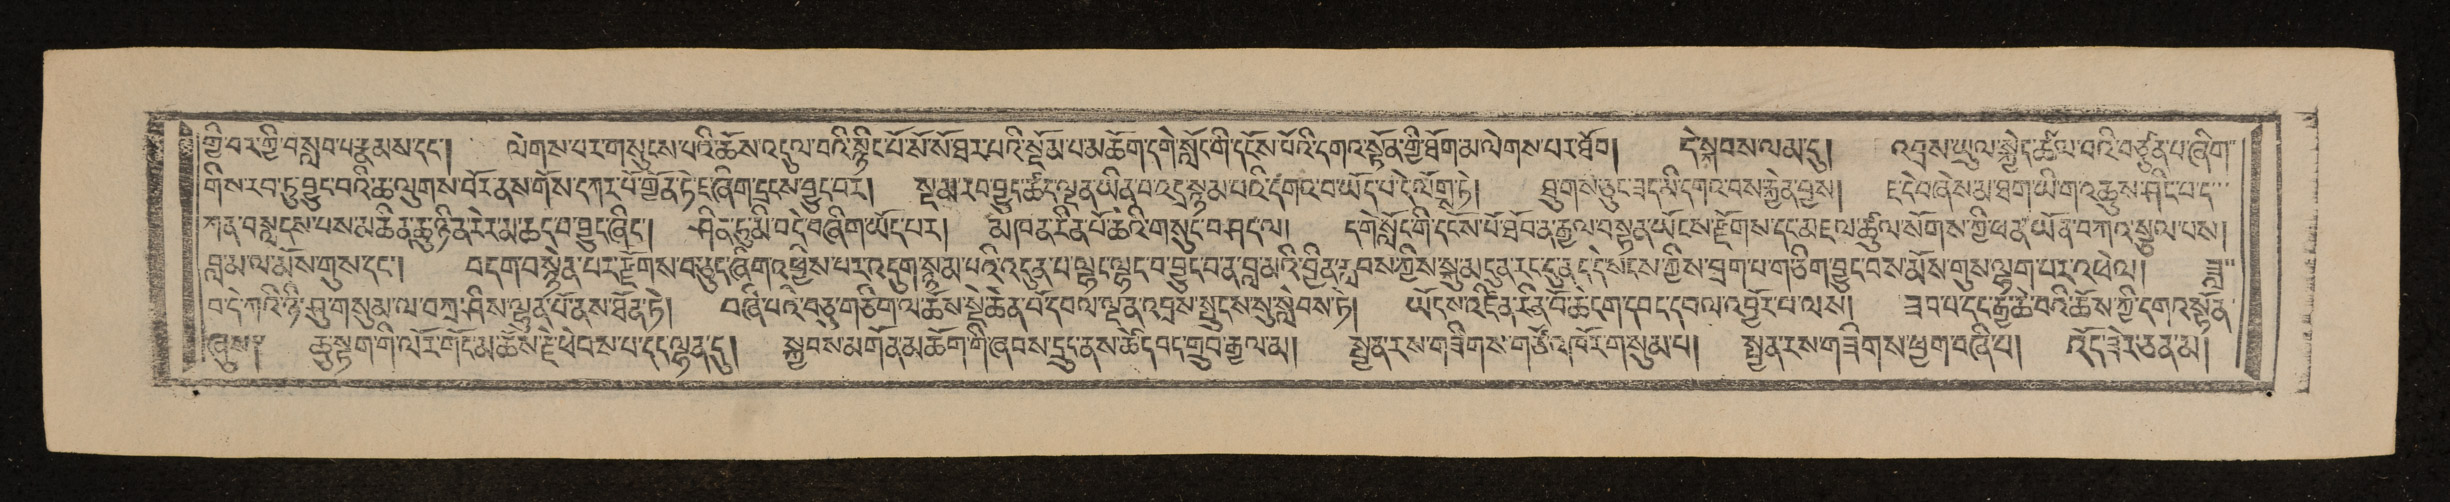གྱི་བར་གྱི་བསླབ་པ་རྣམས་དང་། ལེགས་པར་གསུངས་པའི་ཆོས་འདུལ་བའི་སྙིང་པོ་སོ་སོ་ཐར་པའི་སྡོམ་པ་མཆོག་དགེ་སློང་གི་དངོས་པོའི་དགའ་སྟོན་གྱི་ཐོག་མ་ལེགས་པར་ཐོབ། དེ་སྐབས་ལམ་དུ། འབྲས་ཡུལ་སྐྱེད་ཚལ་པའི་བཙུན་པ་ཞིག་
གིས་རབ་ཏུ་བྱུང་བའི་ཆ་ལུགས་བོར་ནས་གོས་དཀར་པོ་གྱོན་ཏེ་ཇ་ཞིག་དྲངས་བྱུང་བར། སྔ་མ་རབ་བྱུང་ཚང་ལྡན་ཡིན་པ་འདྲ་སྙམ་པའི་དགའ་བ་ཡོད་པ་དེ་ལོགས་ཏེ། ཐུགས་ཅུང་ཟད་མི་དགའ་བས་རྐྱེན་བྱས། ཇ་དེ་བཞེས་མ་ཐག་ཡིག་འཆུས་ཤིང་པད་
ཀན་བསླངས་པས་མཆིན་ཆུ་ཉིན་རེར་མ་ཆད་པ་བྱུང་ཞིང་། ཤིན་ཏུ་མི་བདེ་བ་ཞིག་ཡོད་པར། མཁན་རིན་པོ་ཆེའི་གསུང་བཤད་ལ། དགེ་སློང་གི་དངོས་པོ་ཐོབ་ན་རྒྱལ་བསྟན་ཡོངས་རྫོགས་དང་མཇལ་ཚུལ་སོགས་ཀྱི་ཕན་ཡོན་བཀའ་སྩལ་པས།
བླ་མ་ལ་མོས་གུས་དང་། བདག་བསྙེན་པར་རྫོགས་པ་ཅུང་ཞིག་འཕྱིས་པར་འདུག་སྙམ་པའི་འདུན་པ་ལྷང་ལྷང་བ་བྱུང་བ་ན་བླ་མའི་བྱིན་རླབས་ཀྱིས་སྐུ་མདུན་རང་དུ་ནད་དེ་སངས་ཀྱིས་བྲག་པ་གཅིག་བྱུང་བས་མོས་གུས་ལྷག་པར་འཕེལ། ཟླ་
བ་དེ་ཀའི་ཉི་ཤུ་གསུམ་ལ་བཀྲ་ཤིས་ལྷུན་པོ་ནས་ཐོན་ཏེ། བཞི་པའི་བཅུ་གཅིག་ལ་ཆོས་སྡེ་ཆེན་པོ་དཔལ་ལྡན་འབྲས་སྤུངས་སུ་སླེབས་ཏེ། ཡོངས་འཛིན་རིན་པོ་ཆེ་ངག་དབང་དཔལ་འབྱོར་པ་ལས། ཟབ་བ་དང་རྒྱ་ཆེ་བའི་ཆོས་ཀྱི་དགའ་སྟོན་
ཞུས༑ ཆུ་སྟག་གི་ལོར་གོང་མ་ཆོས་རྗེ་ཕེབས་པ་དང་ལྷན་དུ། སྐྱབས་མགོན་མཆོག་གི་ཞབས་དྲུང་ནས་ཚེ་དབང་གྲུབ་རྒྱལ་མ། སྤྱན་རས་གཟིགས་གཙོ་འཁོར་གསུམ་པ། སྤྱན་རས་གཟིགས་ཕྱག་བཞི་པ། འོད་ཟེར་ཅན་མ།